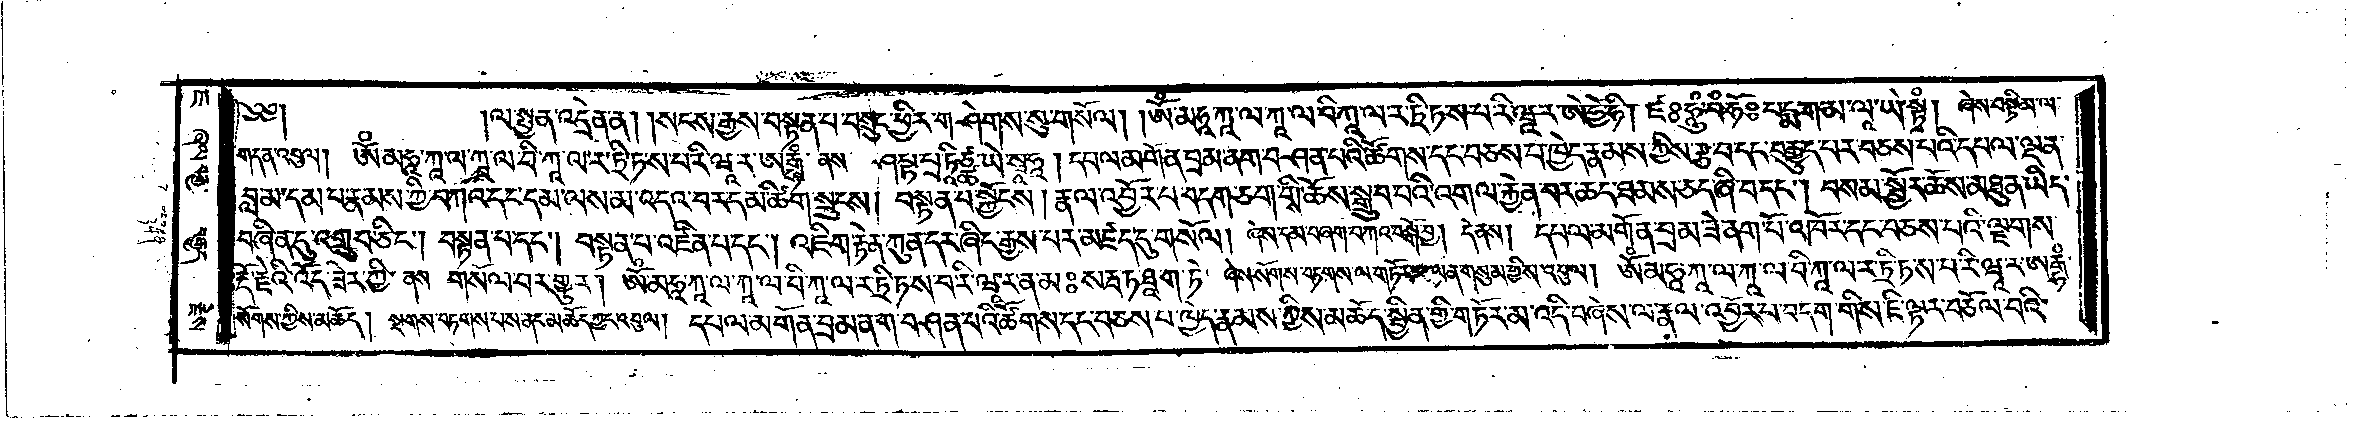༄༅། །ལ་སྤྱན་འདྲེན་ན། །སངས་རྒྱས་བསྟན་པ་བསྲུང་ཕྱིར་གཤེགས་སུ་གསོལ། །ཨོཾ་མཧཱ་ཀཱ་ལ་ཀཱ་ལ་བི་ཀཱ་ལ་ར་ཏྲི་ཏ་ས་པ་རི་ཝཱ་ར་ཨེ་ཧྱེ་ཧི། ཛཿཧཱུཾ་བཾ་ཧོཿཔདམ་ཀ་མ་ལཱ་ཡེ་སྟྭཾ། ཞེས་བསྟིམ་ལ་
གདན་འབུལ། ཨོཾ་མཧཱ་ཀཱ་ལ་ཀཱ་ལ་བི་ཀཱ་ལ་ར་ཏྲི་ཏ་ས་པ་རི་ཝཱ་ར་ཨརྒྷཾ་ནས་ཤཔྟ་པྲ་ཏཱིཙྪ་ཡེ་སྭཱ་ཧཱ། དཔལ་མགོན་བྲམ་ནག་བཤན་པའི་ཚོགས་དང་བཅས་པ་ཁྱེད་རྣམས་ཀྱིས་རྩ་བ་དང་བརྒྱུད་པར་བཅས་པའི་དཔལ་ལྡན་
བླ་མ་དམ་པ་རྣམས་ཀྱི་བཀའ་དང་དམ་ལས་མ་འདའ་བར་དམ་ཚིག་སྲུངས། བསྟན་པ་སྐྱོངས། རྣལ་འབྱོར་པ་བདག་ཅག་གིས་ཆོས་སྒྲུབ་པའི་འགལ་རྐྱེན་པར་ཆད་ཐམས་ཅད་ཞི་བ་དང་། བསམ་སྦྱོར་ཆོས་མཐུན་ཡིད་
བཞིན་དུ་འགྲུབ་ཅིང་། བསྟན་པ་དང་། བསྟན་པ་འཛིན་པ་དང་། འཇིག་རྟེན་ཀུན་དར་ཞིང་རྒྱས་ཕར་མཛད་དུ་གསོལ། ཞེས་དམ་བཞག་བཀའ་བསྒོ་བྱ། དེ་ནས།  དཔལ་མགོན་བྲམ་ཟེ་ནག་པོ་འཁོར་དང་བཅས་པའི་ལྗགས་
རྡོ་རྗེའི་འོད་ཟེར་གྱིས་ནས་གསོལ་བར་གྱུར། ཨོཾ་མཧཱ་ཀཱ་ལ་ཀཱ་ལ་བི་ཀཱ་ལ་ར་ཏྲི་ཏ་ས་པ་རི་ཝཱ་ར་ན་མཿསརྦ་ཏ་ཐཱ་ག་ཏེ་ཞེས་སོགས་བཏགས་ལ་གཏོར་མ་ལན་གསུམ་གྱིས་འབུལ།  ཨོཾ་མཧཱ་ཀཱ་ལ་ཀཱ་ལ་ར་ཏྲི་ཏ་ས་བ་རི་ཝཱ་ར་ཨརྒྷམ་
སོགས་ཀྱིས་མཆོད། སྔགས་བཏགས་པས་ནང་མཆོད་ཀྱང་འབུལ།  དཔལ་མངོན་ཕྲམ་ནག་བཤན་པའི་ཚོགས་དང་བཅས་པ་ཁྱེད་རྣམས་ཀྱིས་མཆོད་སྦྱིན་གྱི་གཏོར་མ་འདི་བཞེས་ལ་རྣལ་འབྱོར་བ་བདག་གིས་ཇི་ལྟར་བཅོལ་པའི་